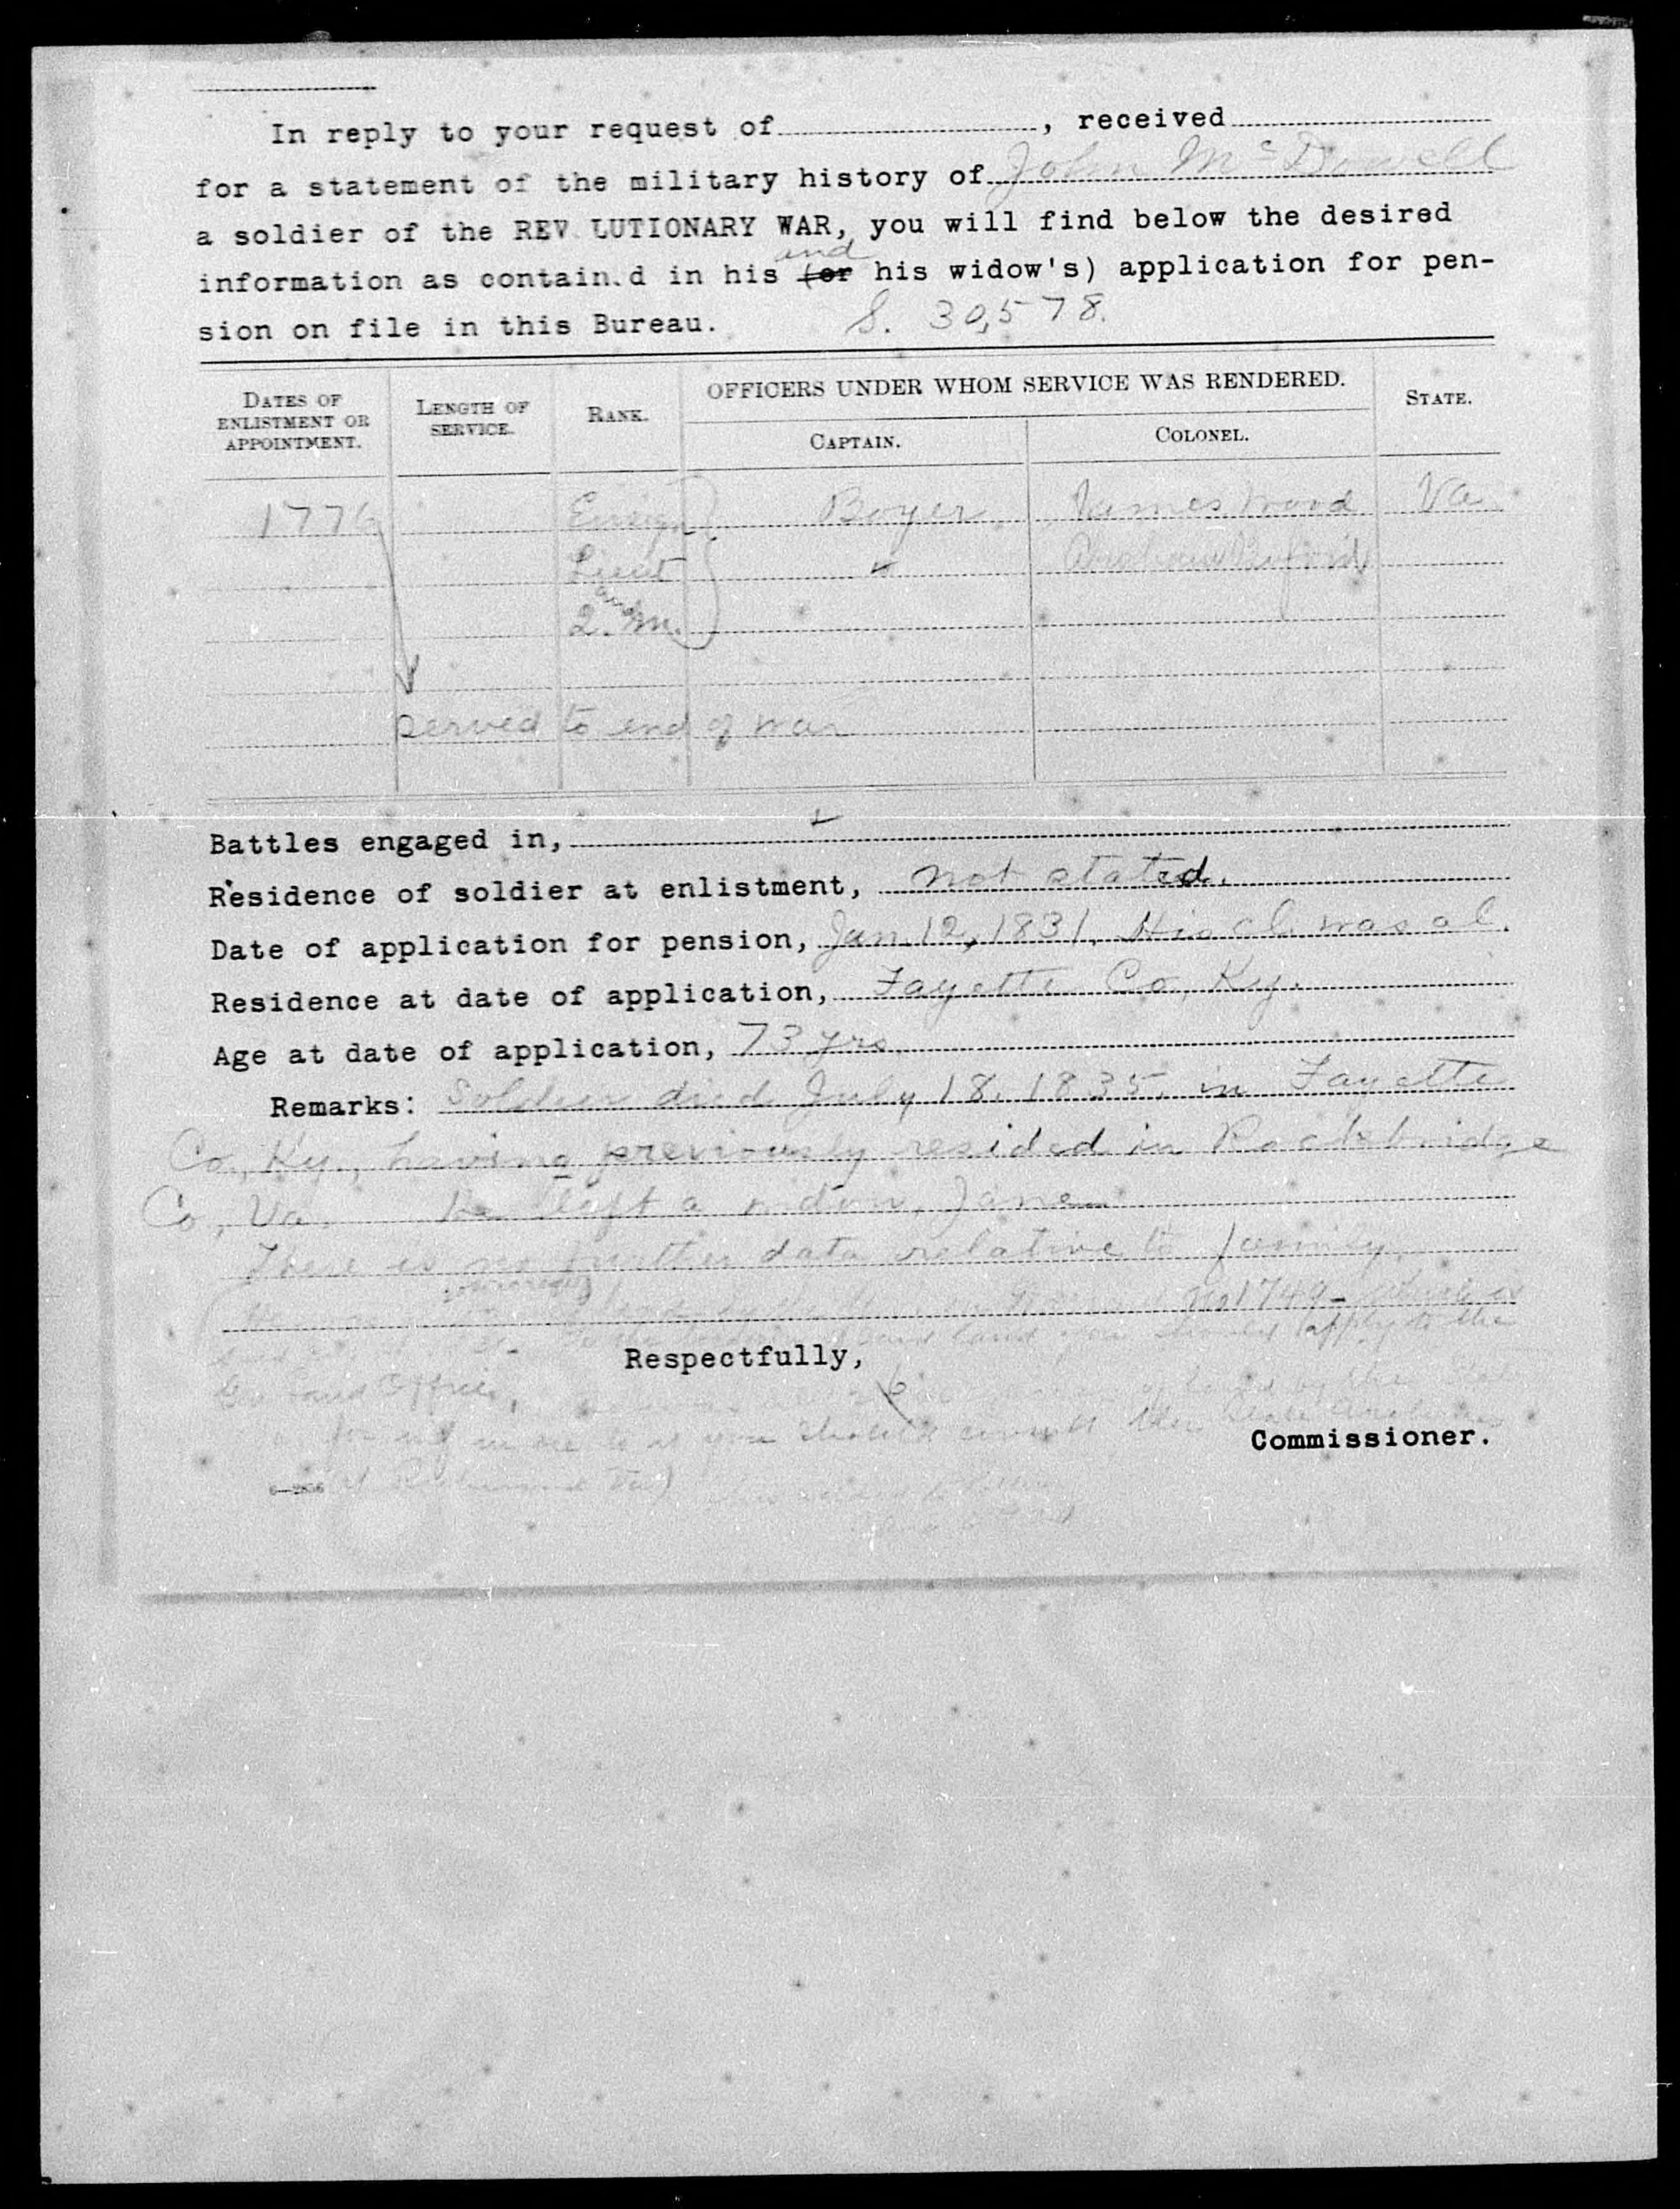In reply to your request of ______, received ______ for a statement of the military history of John McDowell a soldier of the REVOLUTIONARY WAR, you will find below the desired information as contained in his and his widow's application for pension on file in this Bureau. S. 30,578.

DATES OF ENLISTMENT OR APPOINTMENT.
1776
LENGTH OF SERVICE.
Served to end of war
RANK.
Ensign; Lieut; and Q.M.
OFFICERS UNDER WHOM SERVICE WAS RENDERED.
CAPTAIN.
Boyer
COLONEL.
James Wood; Abraham Buford
STATE.
Va

Battles engaged in, 
Residence of soldier at enlistment, not stated.
Date of application for pension, Jan. 12, 1831. His cl. was al.
Age at date of application, 73 yrs.
Remarks: Soldier died July 18, 1835, in Fayette Co., Ky., having previously resided in Rockbridge Co., Va. He left a widow, Jane
There is no further data relative to family
[illegible] No 1749 - which is [illegible] you should consult the State Archives of Richmond Va)
Respectfully,
Commissioner.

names: [BLANK] Boyer; John Mc Dowell; James Wood; Abraham Buford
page: 43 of 47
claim: survivor's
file: S. 30578, for John Mc Dowell, Virginia